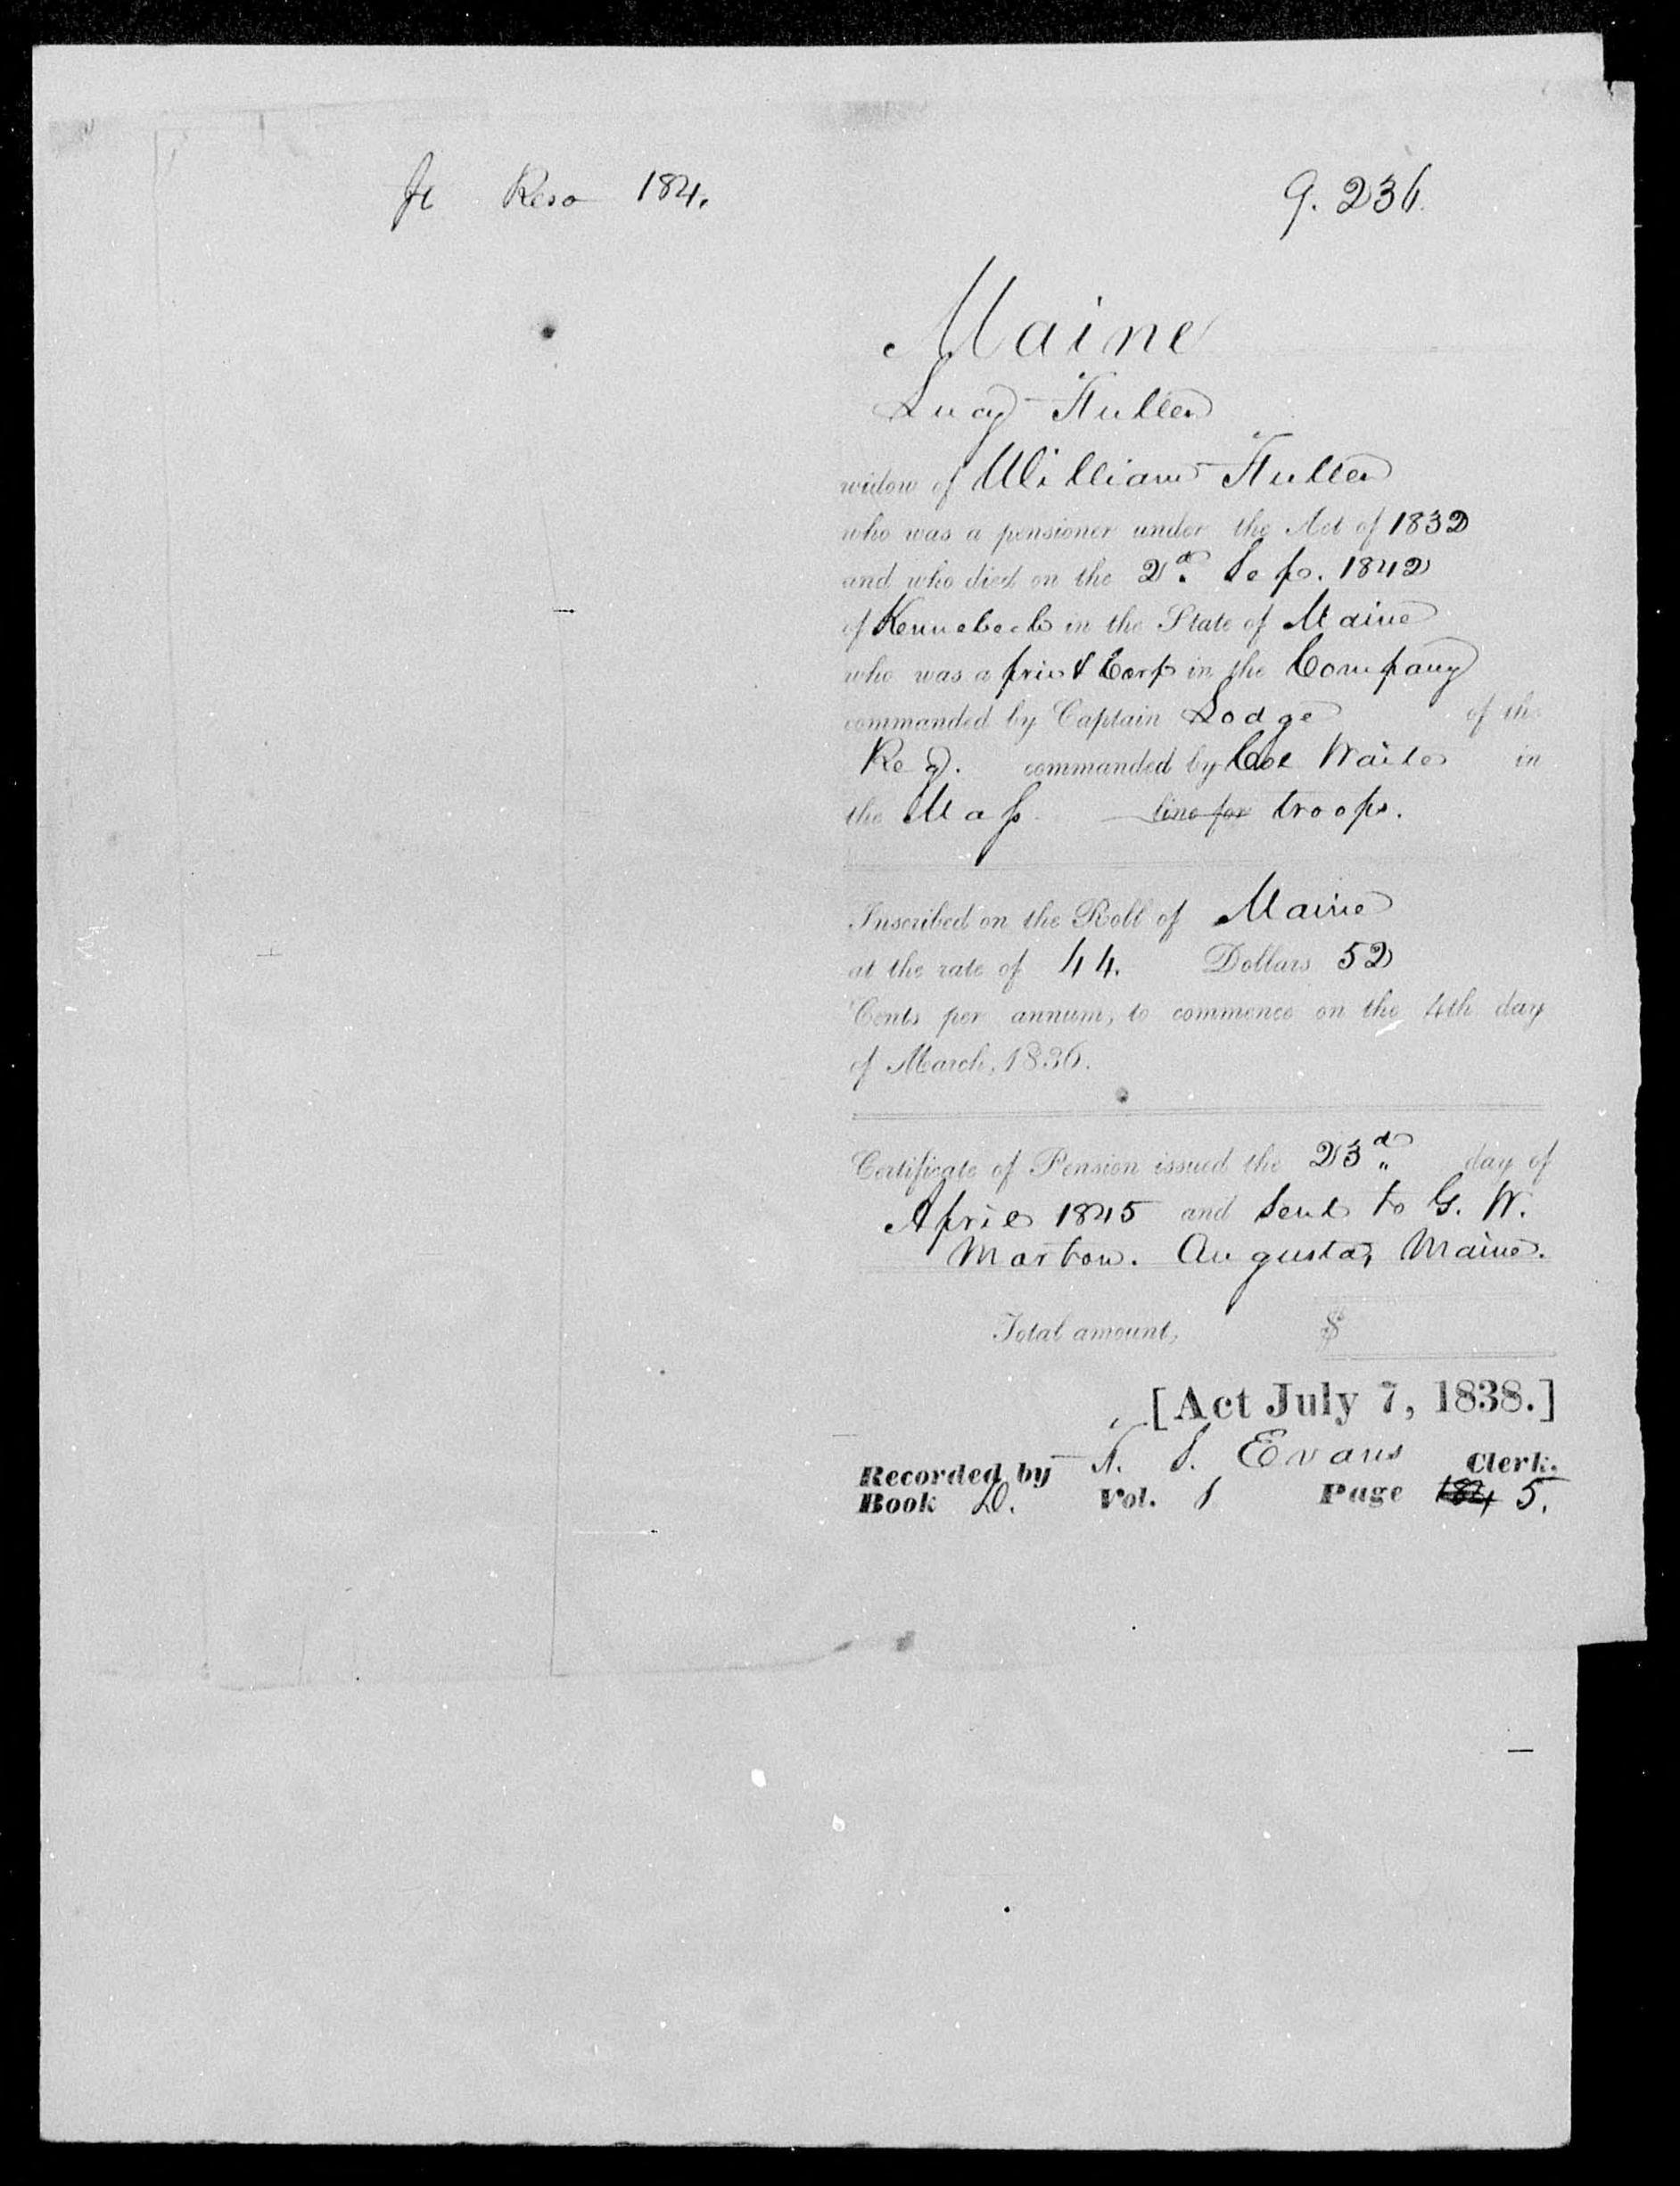[on left side of fold]
Ss  Reso  184.
[on right side of fold]
9.236
Maine
Lucy Fuller widow of William Fuller who was a pensioner under the Act of 1832 and who died on the 2nd Sep. 1842 of Kennebec Co in the State of Maine who was a priv & Corp in the Company commanded by Captain Lodge of the Reg. commanded by Col. Waite in the Mass. [crossed out: line for] troops.
Inscribed on the Roll of Maine at the rate of 44 Dollars 52 Cents per annum, to commence on the 4th day of March 1836.
Certificate of Pension issued the 23rd day of April 1845 and sent to G. W. Morton. Augusta, Maine.
Total amount, $___
(Act July 7, 1838.)
Recorded by F. S. Evans Clerk,
Book D.  Vol. 1  Page [crossed out: 184] 5.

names: Lodge, Lucy Fuller, F S Evans, Waite, G W Marton, William Fuller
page: 30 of 45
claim: widow's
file: W. 17933, William Fuller, Mass